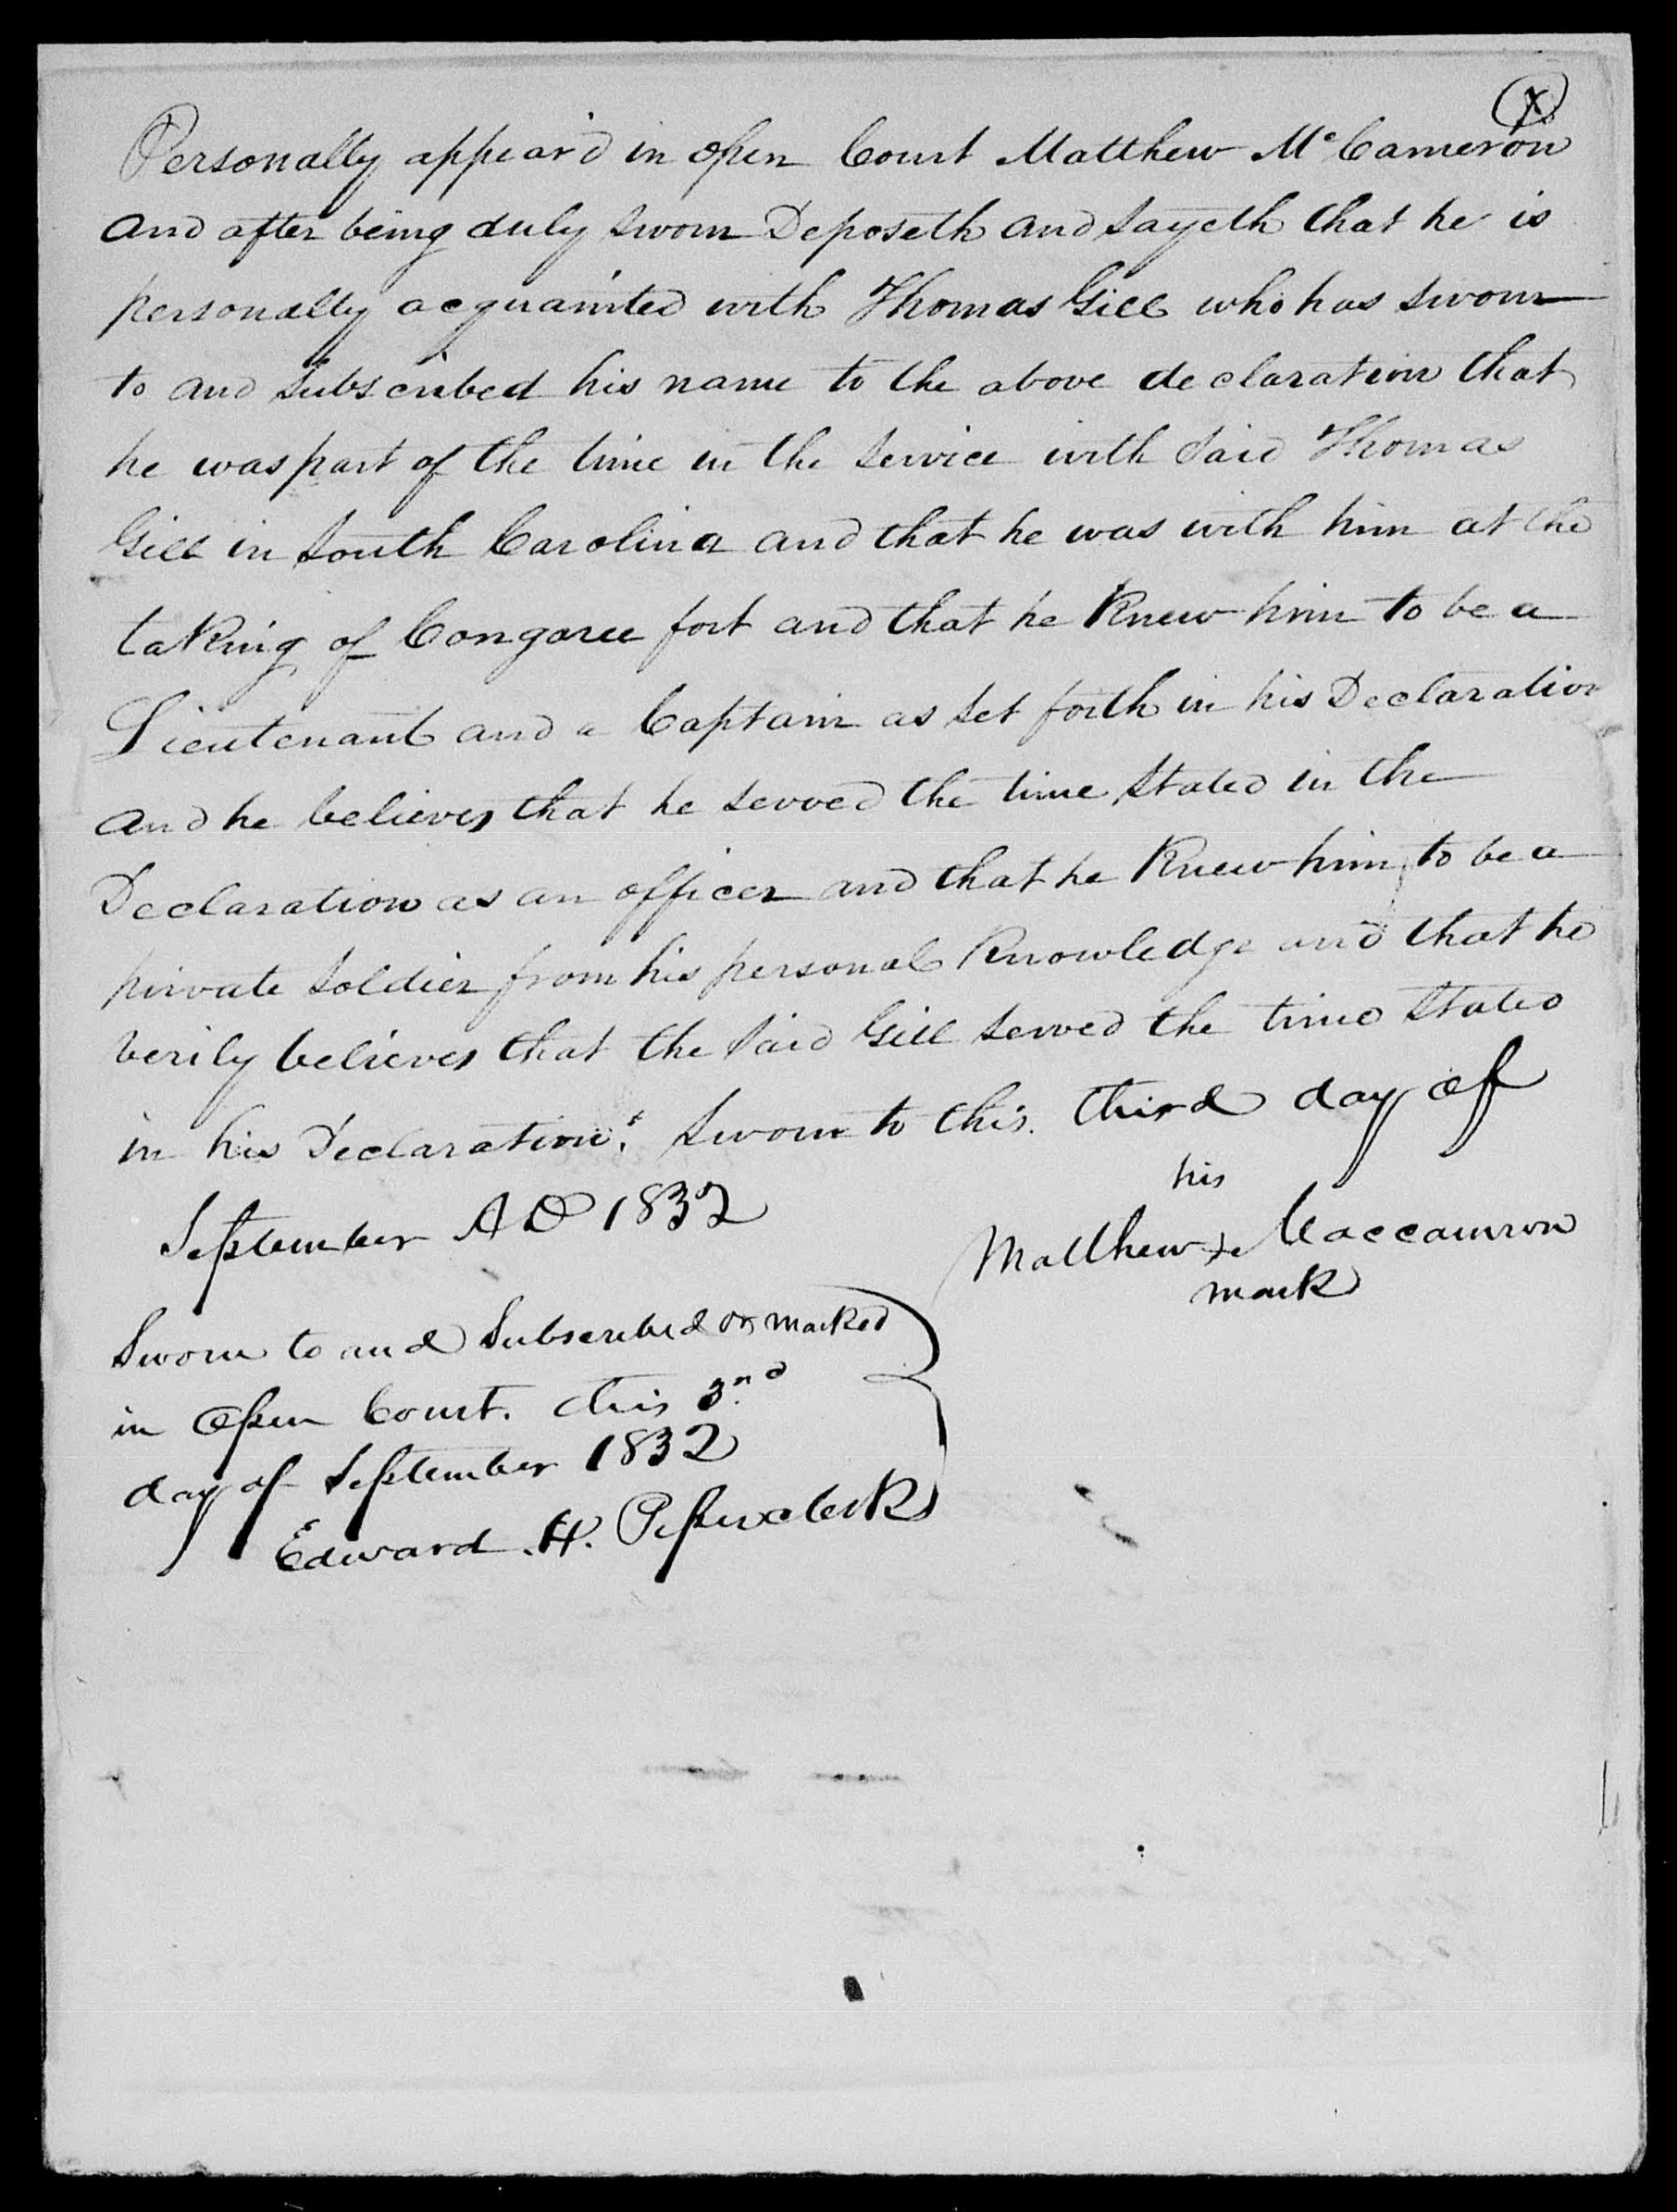Personally appeared in open Court Matthew McCameron and after being duly sworn deposeth and sayeth that he is personally acquainted with Thomas Gill who has sworn to and subscribed his name to the above declaration that he was part of the time in the service with said Thomas
Gill in South Carolina and that he was with him at the taking of Congaree fort [Siege of Fort Granby] and that he knew him to be a Lieutenant and a Captain as set forth in his Declaration and he believes that he served the time stated in the Declaration as an officer and that he knew him to be a
private Soldier from his personal knowledge and that he Verily believes that the said Gill served the time stated in his declaration. Sworn to this third day of September AD 1832
Matthew Maccamaron X his mark
Sworn to and Subscribed or marked
in Open Court this 3d day of September 1832
s/ Edward H. Piper clerk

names: Thomas Gill, Edward H Piper, Thomas Gill, Matthew Maccamron, Gill, Matthew Mc Cameron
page: 32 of 44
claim: survivor's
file: S. 31,061, Thomas Gill, S.C.